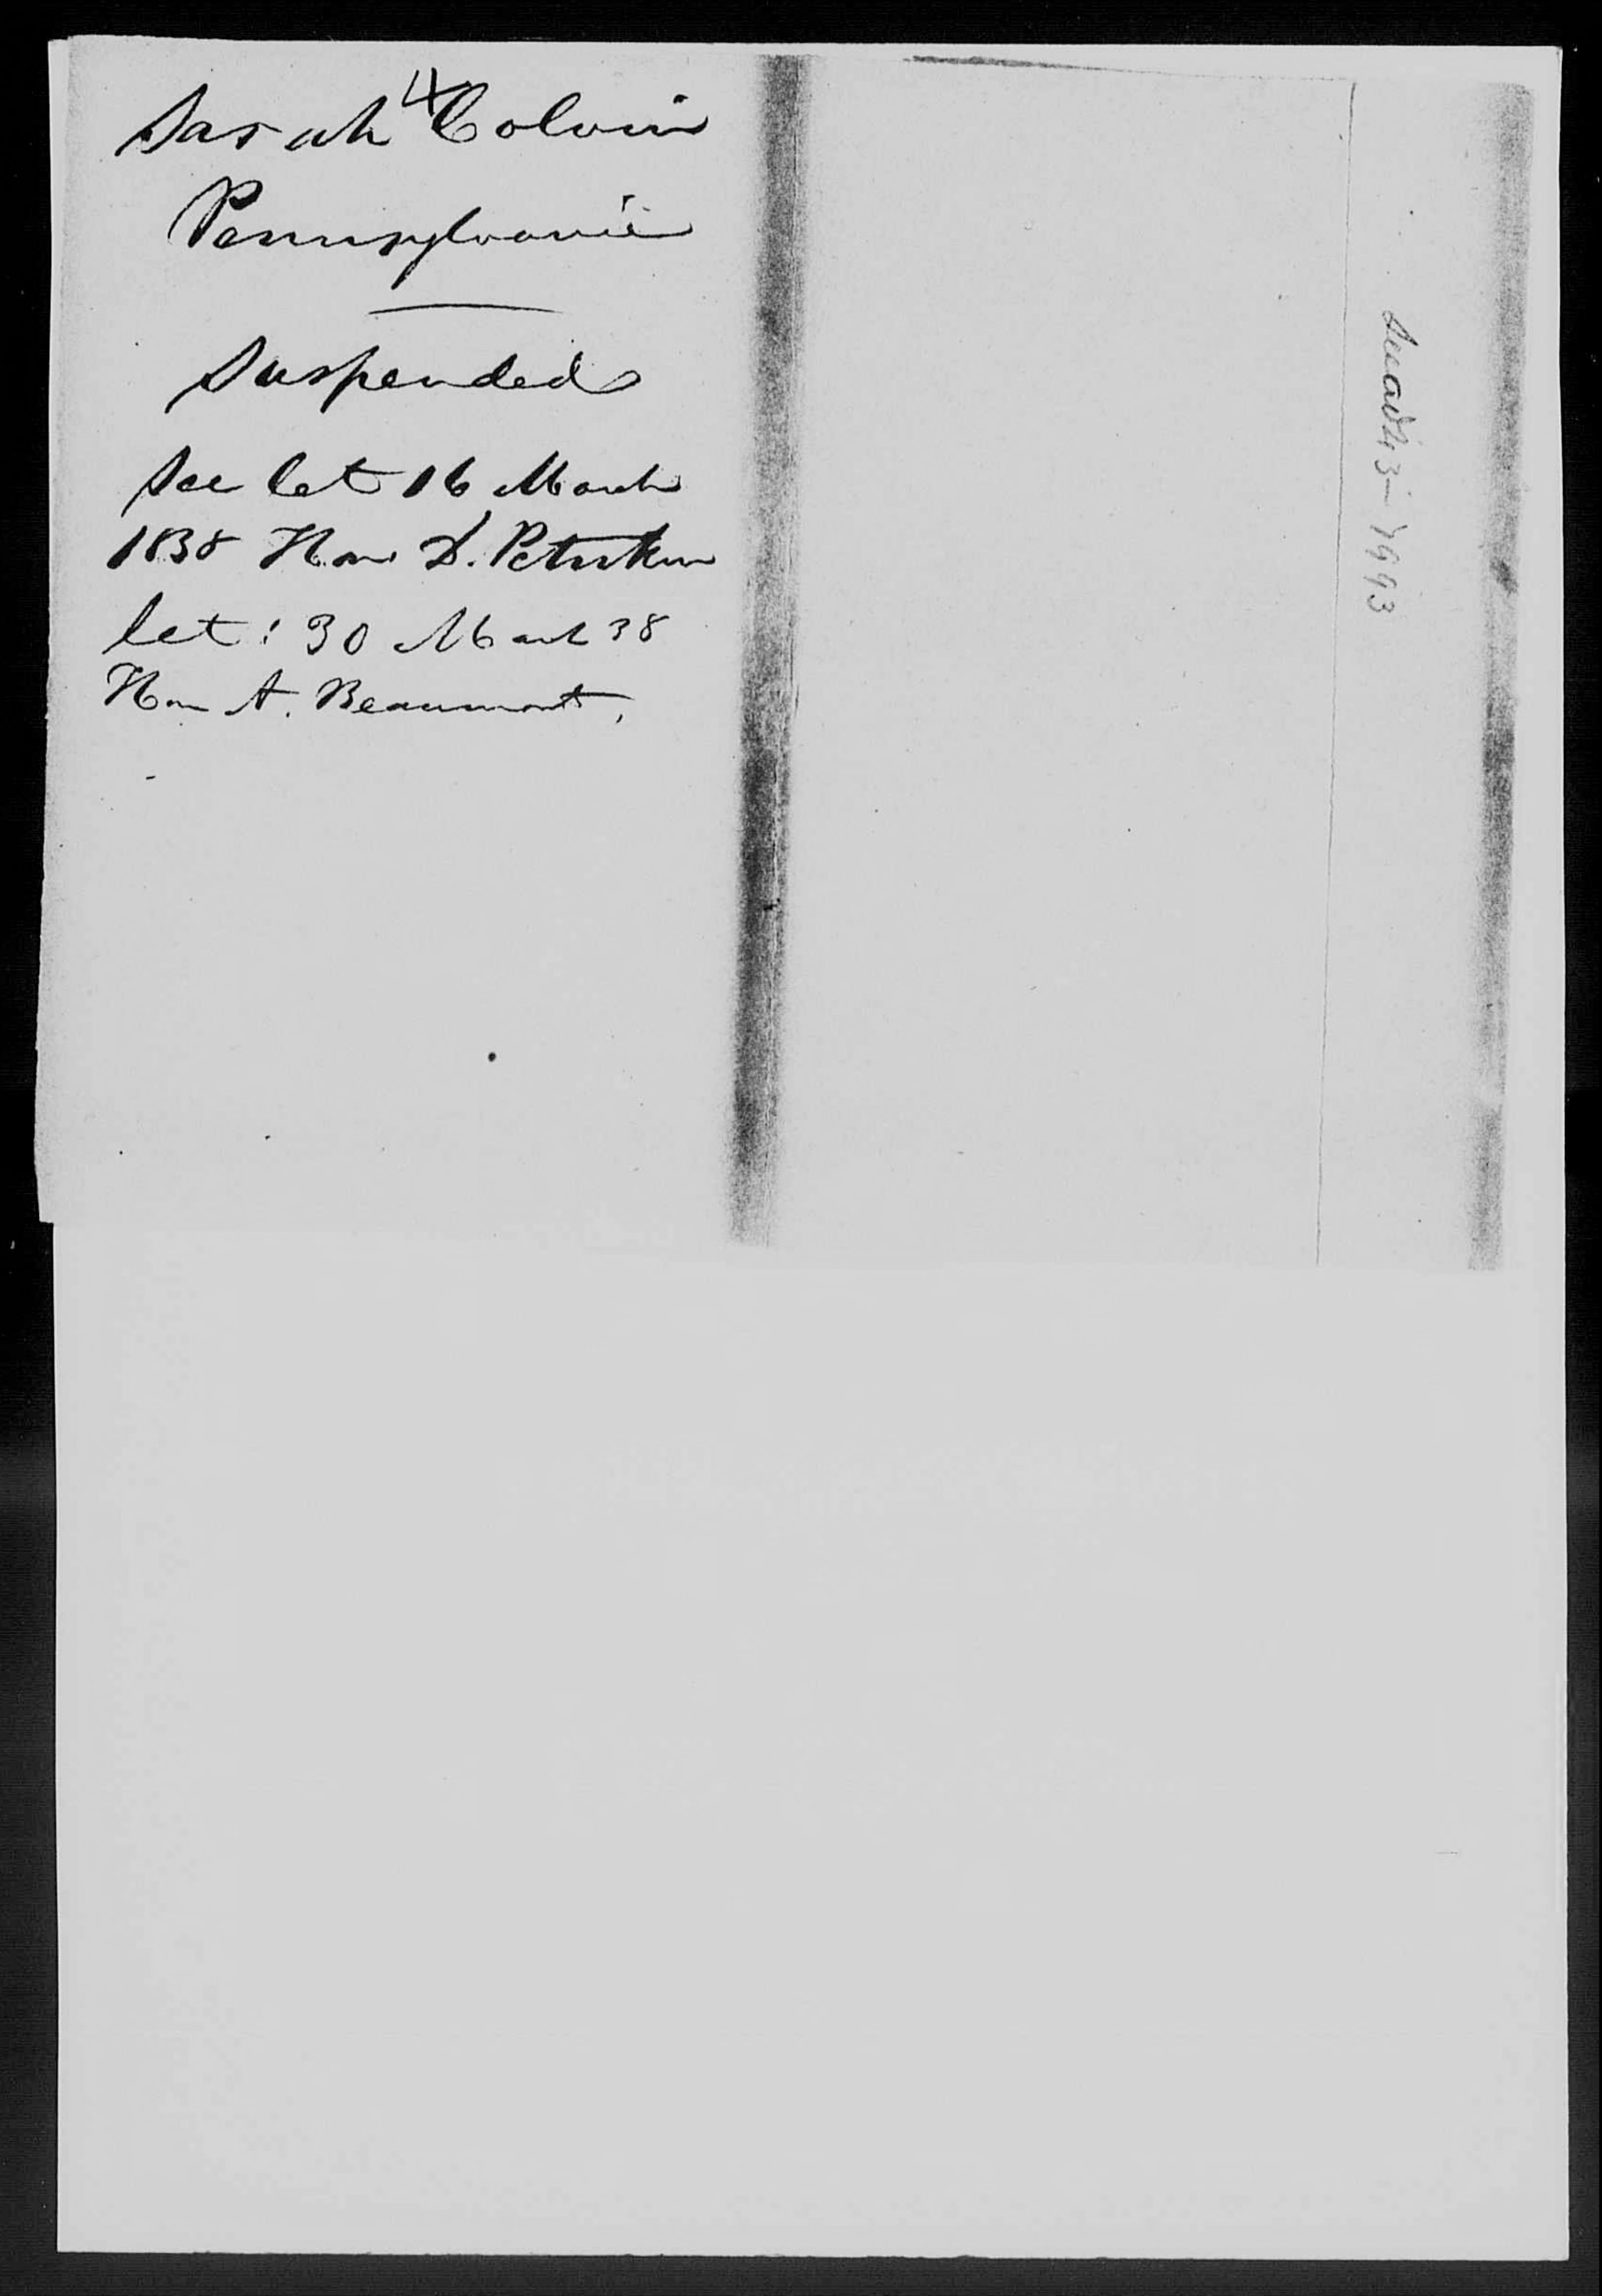Sarah Colvin
Pennsylvania
Suspended
See let 16 March 1838 Hon. [illegible]
let: 30 March 38
Hon A. Beaumont
March 3 1993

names: A Beaumont, Sarah Colvin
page: 21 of 41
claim: widow's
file: W. 3513, Philip Colvin, R.I.